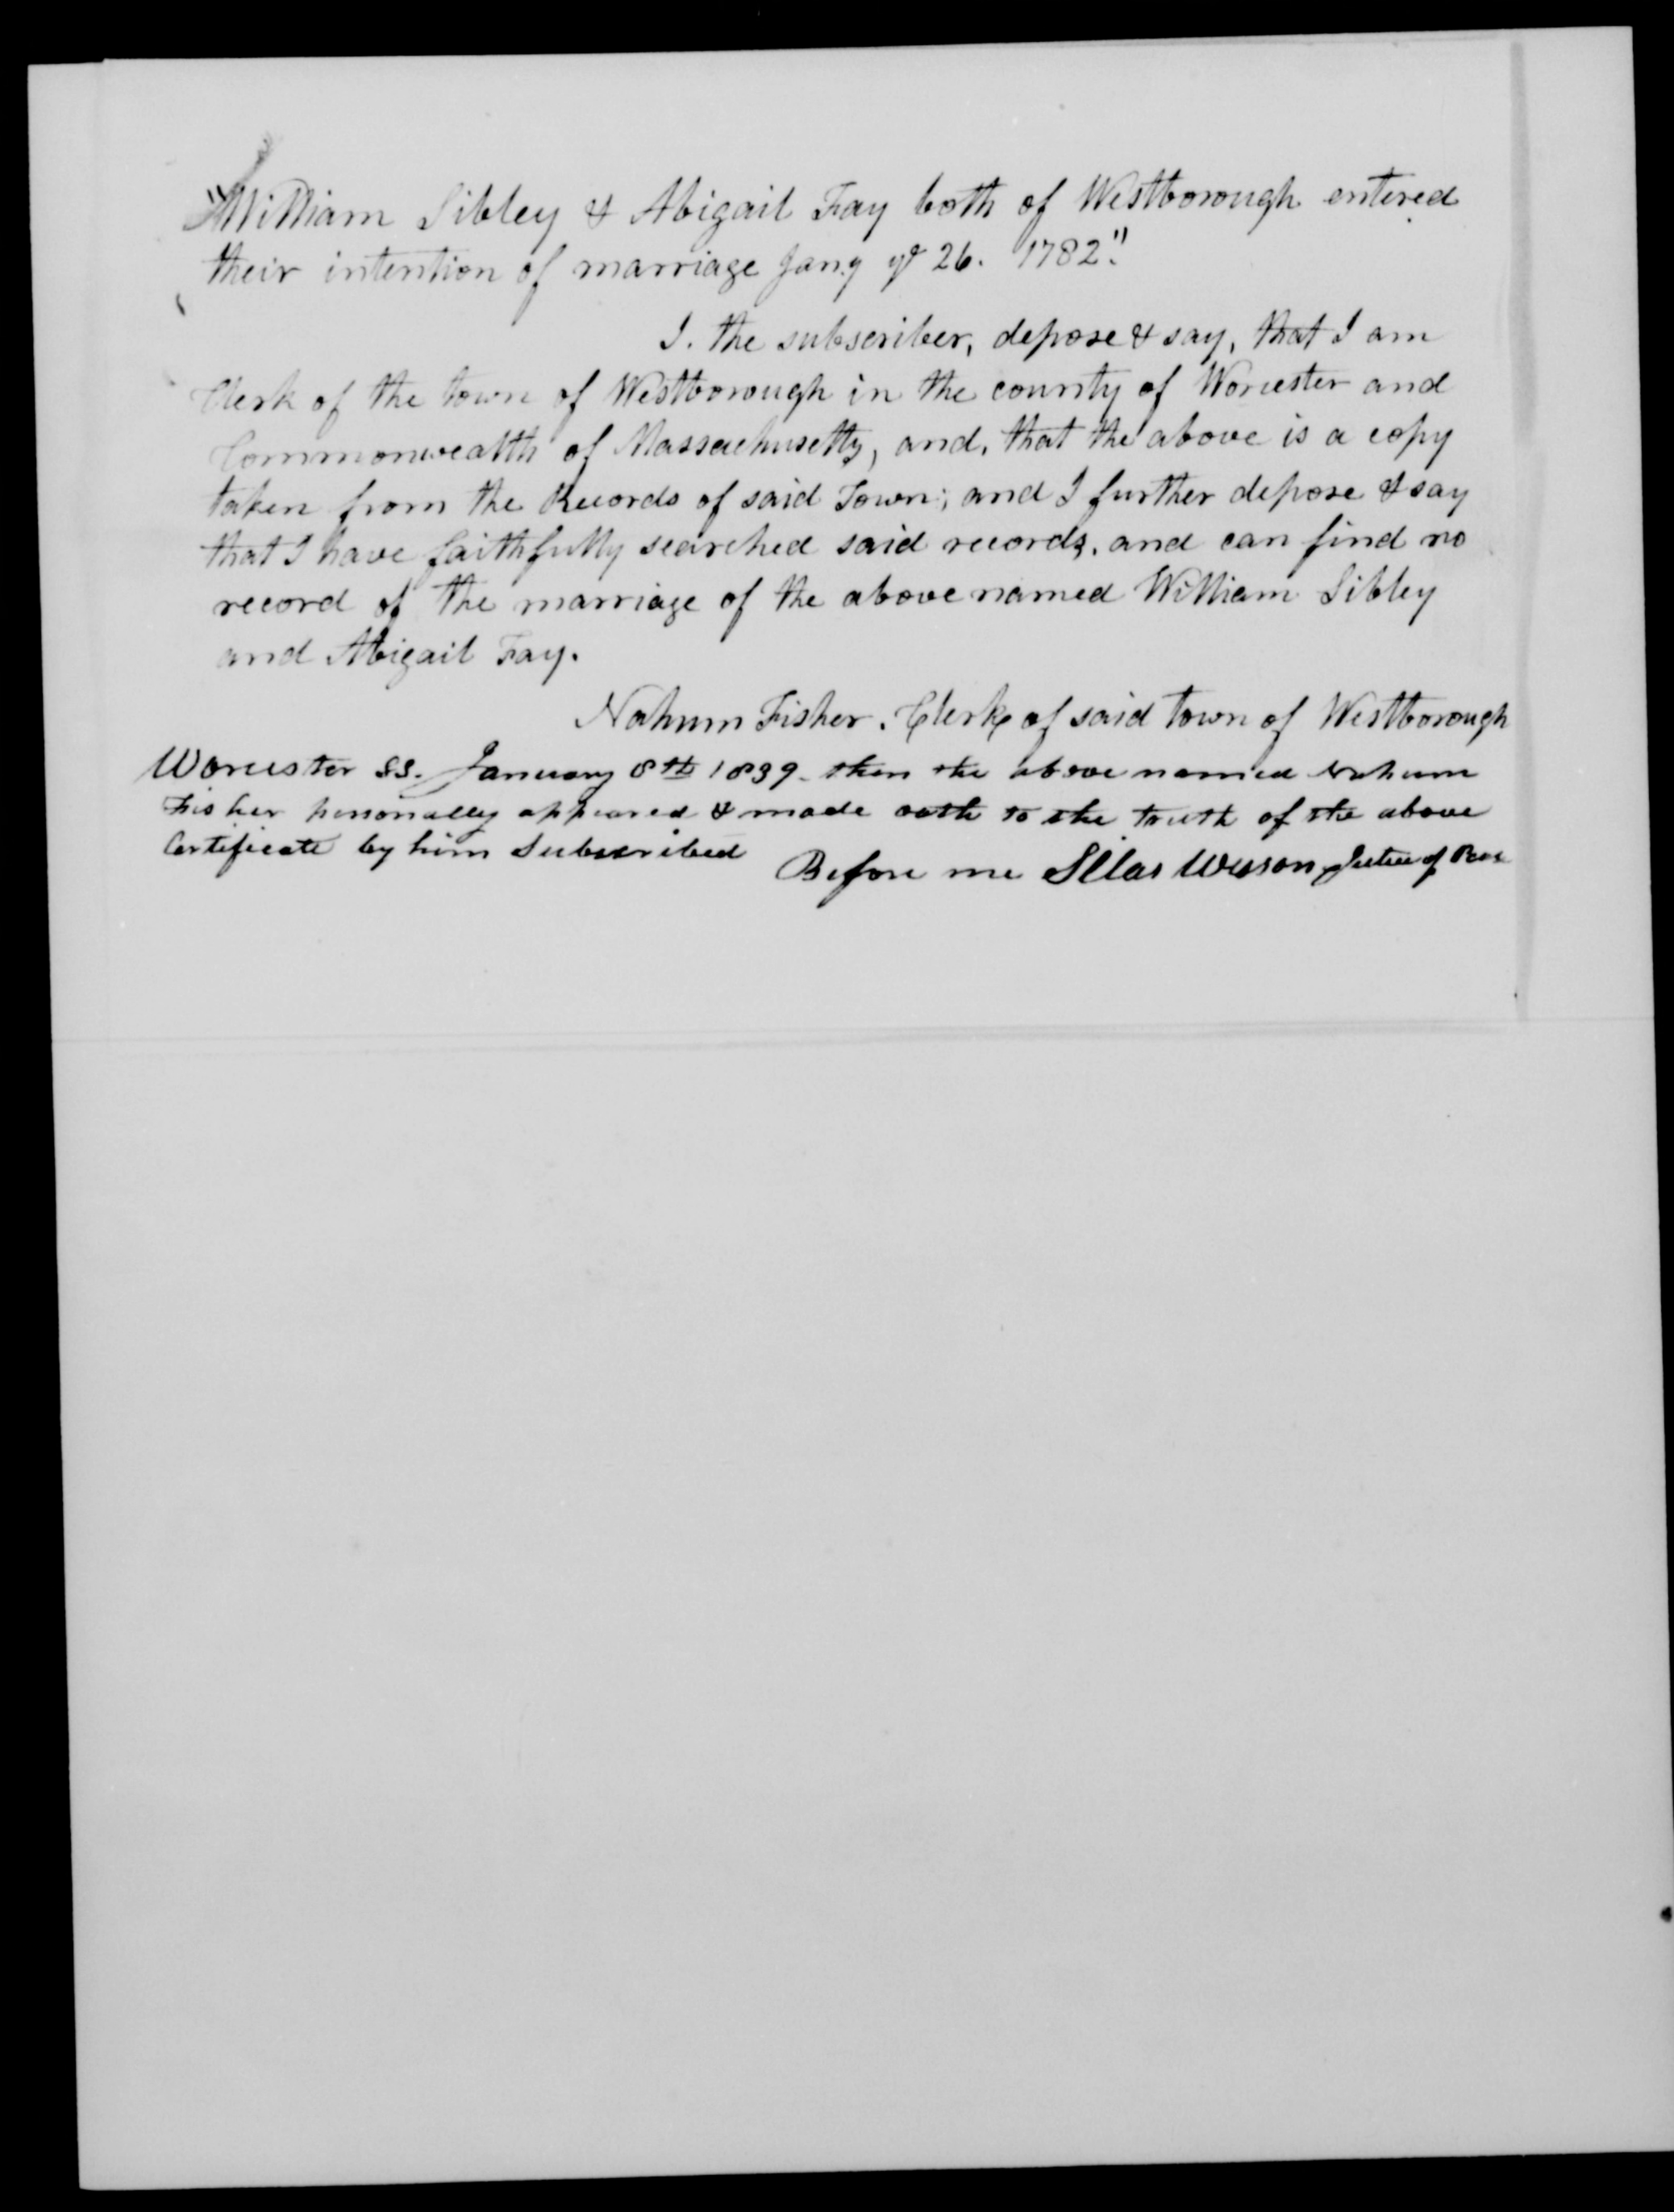"William Sibley & Abigail Fay both of Westborough entered their intention of marriage Jany of 26. 1782"
I, the subscriber, deposed & say, that I am Clerk of the town of Westborough in the County of Worcester and Commonwealth of Massachusetts, and that the above is a copy taken from the records of said Town; and I further depose & say that I have faithfully searched said records, and can find no record of the marriage of the above named William Sibley and Abigail Fay.
Nahum Fisher, Clerk of said town of Westborough Worcester SS, January 8th 1839. then the above named Nahum Fisher personally appeared & made oath to the truth of the above certificate by him subscribed before me Silas Wesson Justice of Peace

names: William Sibley; Silas Wesson; Nahum Fisher; Abigail Fay; William Sibley; Nahum Fisher; Abigail Fay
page: 9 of 24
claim: widow's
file: W. 15,338, for William Sibley, Massachusetts